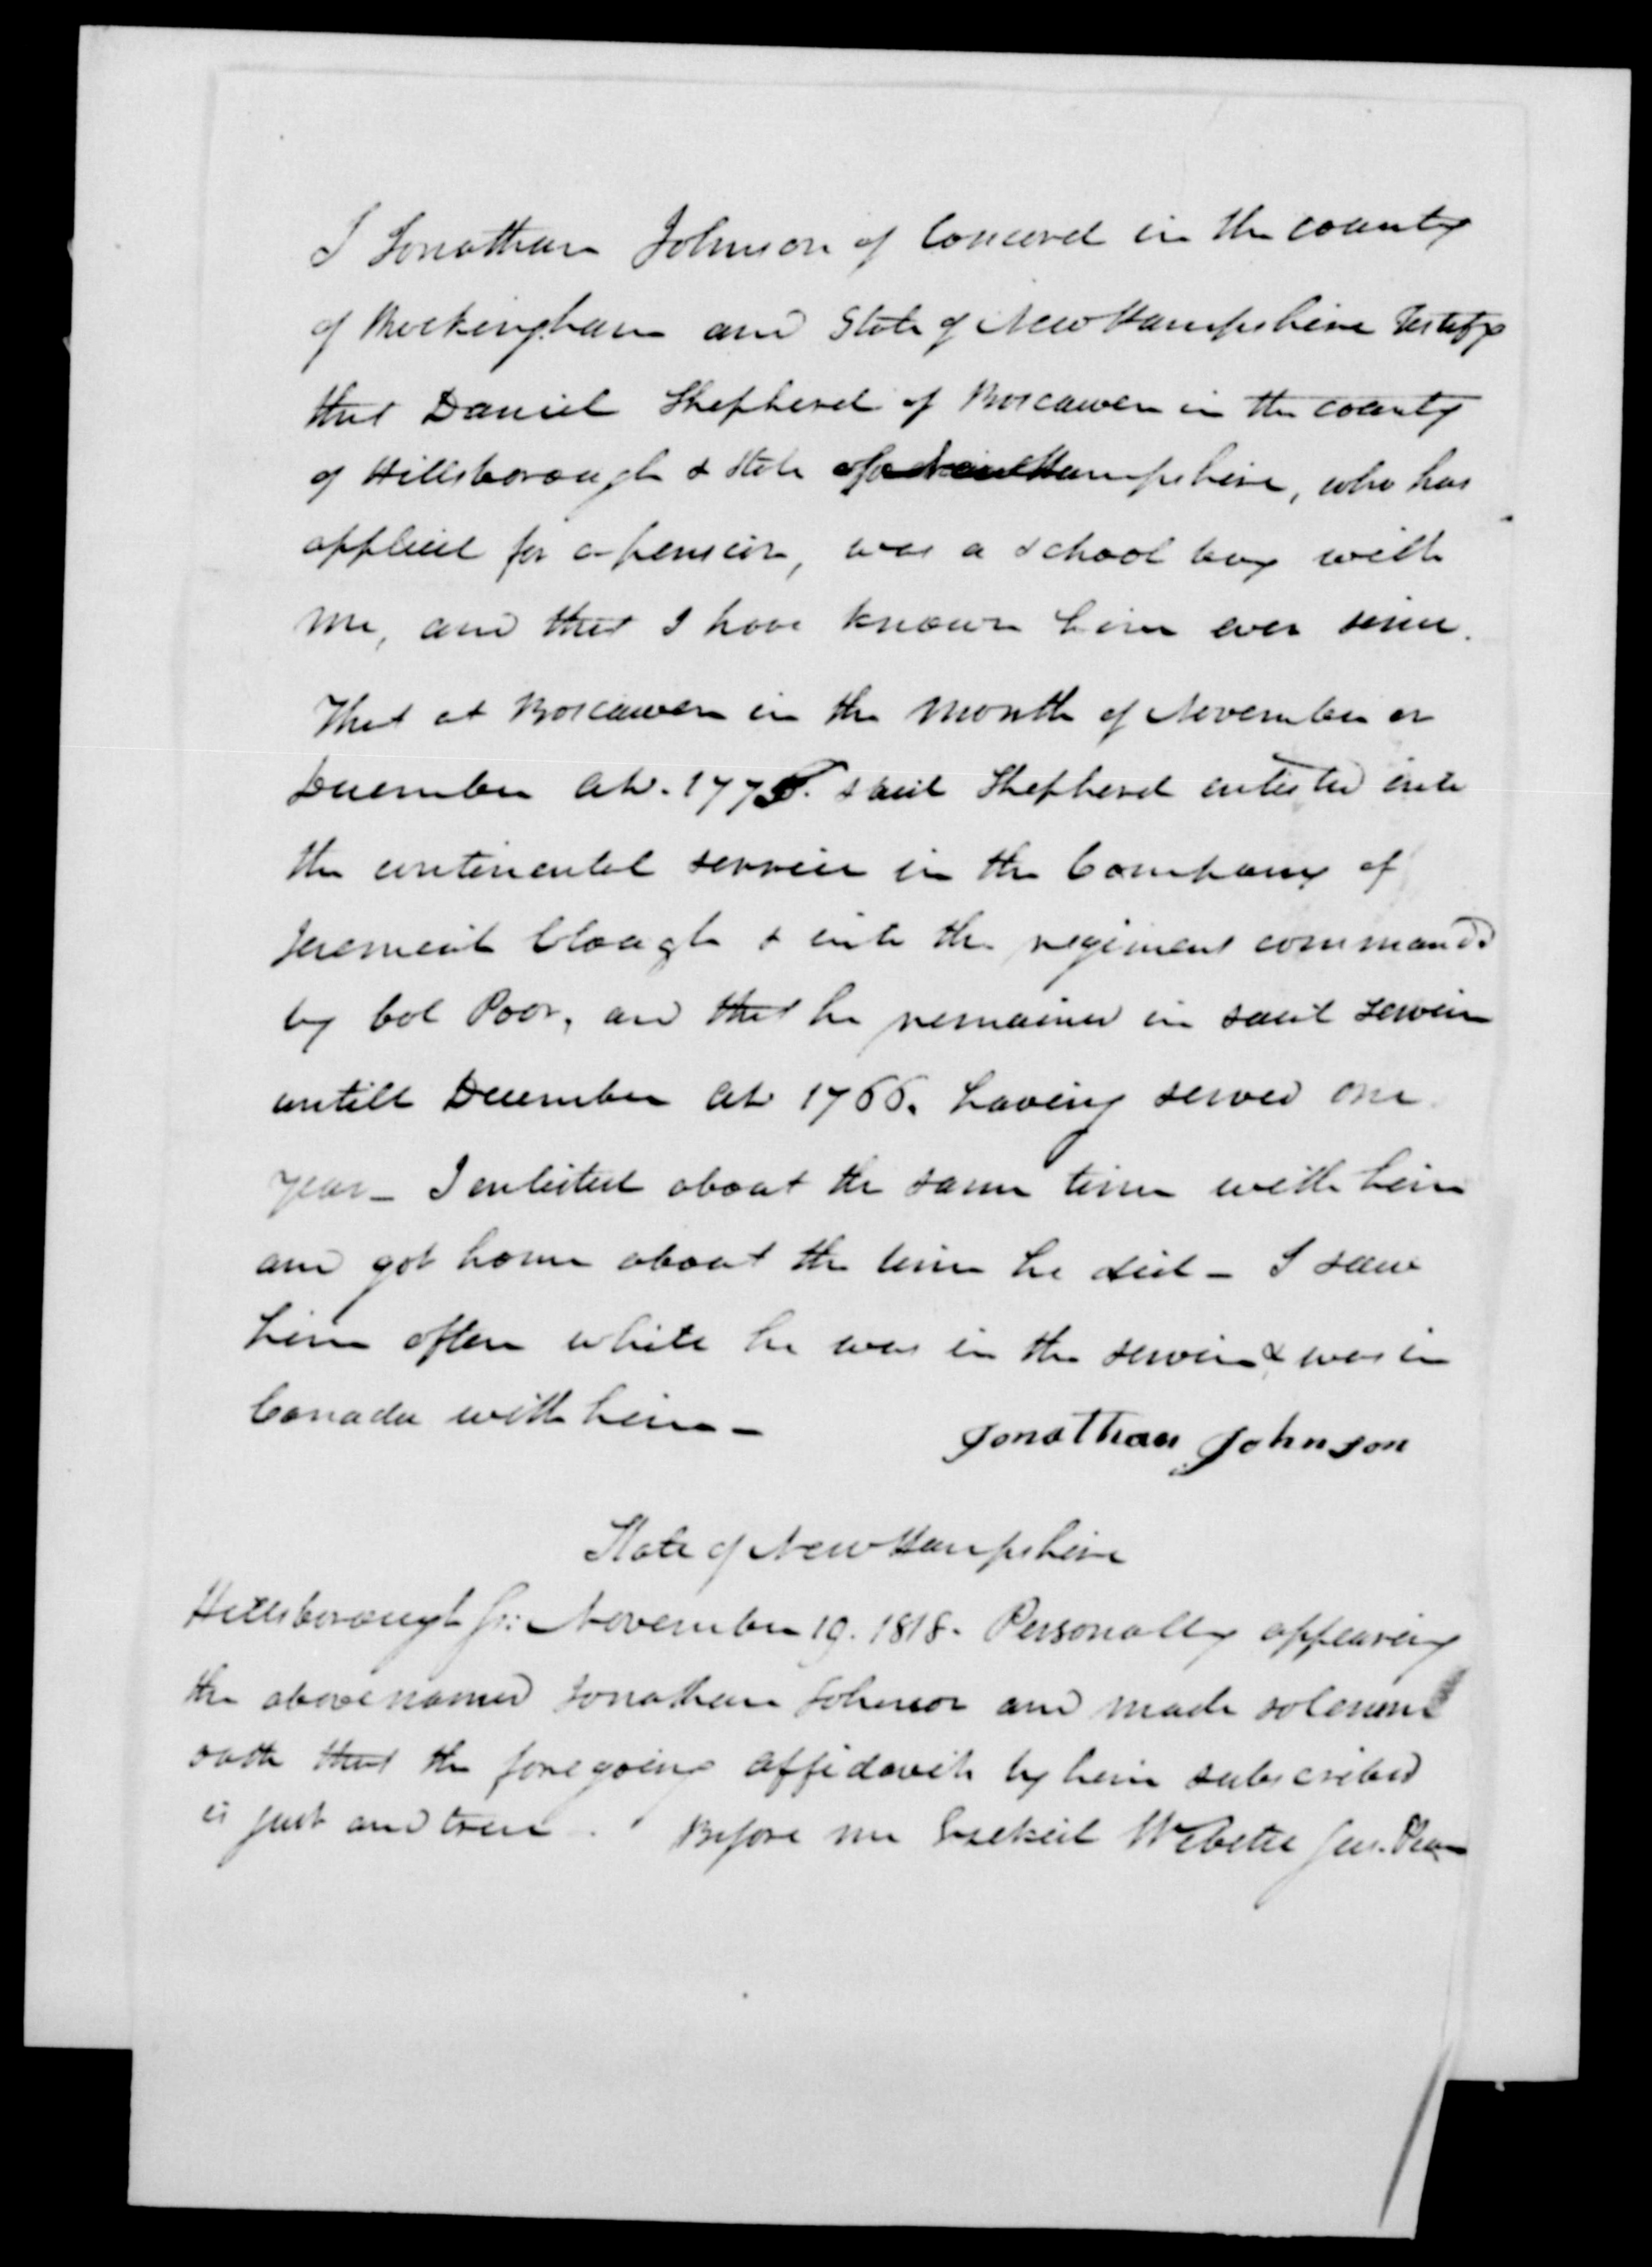I Jonathan Johnson of Concord in the County
of Rockingham and State of New Hampshire Testify
that Daniel Shepherd of Boscawen in the County
of Hillsborough & State of NewHampshire, who has
applied for a pension, was a school boy with
me and that I have known him ever since
That at Boscawen in the month of November or
December AD. 1776 said Shepherd enlisted into
the continental service in the Company of
Jeremeiah Clough & into the regiment commanded
by Col Poor, and that he remained in said service
untill December AD 1766. having served one
year. I enlisted about the same time with him
and got home about the time he did-- I saw
him after while he was in the service & was in
Canada will him
[signature] Jonathan Johnson
State of New Hampshire
Hillsborough November 10. 1818. Personally appearing
the above named Jonathan Johnson and made solemn
oath that the foregoing affidavit by him subscribed
is just and true. Before me [signature] Ezekeil Webster Jus. Peace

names: Daniel Shepherd; Jonathan Johnson; Jonathan Johnson; Jonathan Johnson; Ezekiel Webster; [BLANK] Poor; [BLANK] Shepherd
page: 21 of 25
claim: survivor's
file: S. 43137, for Daniel Shepard, New Hampshire